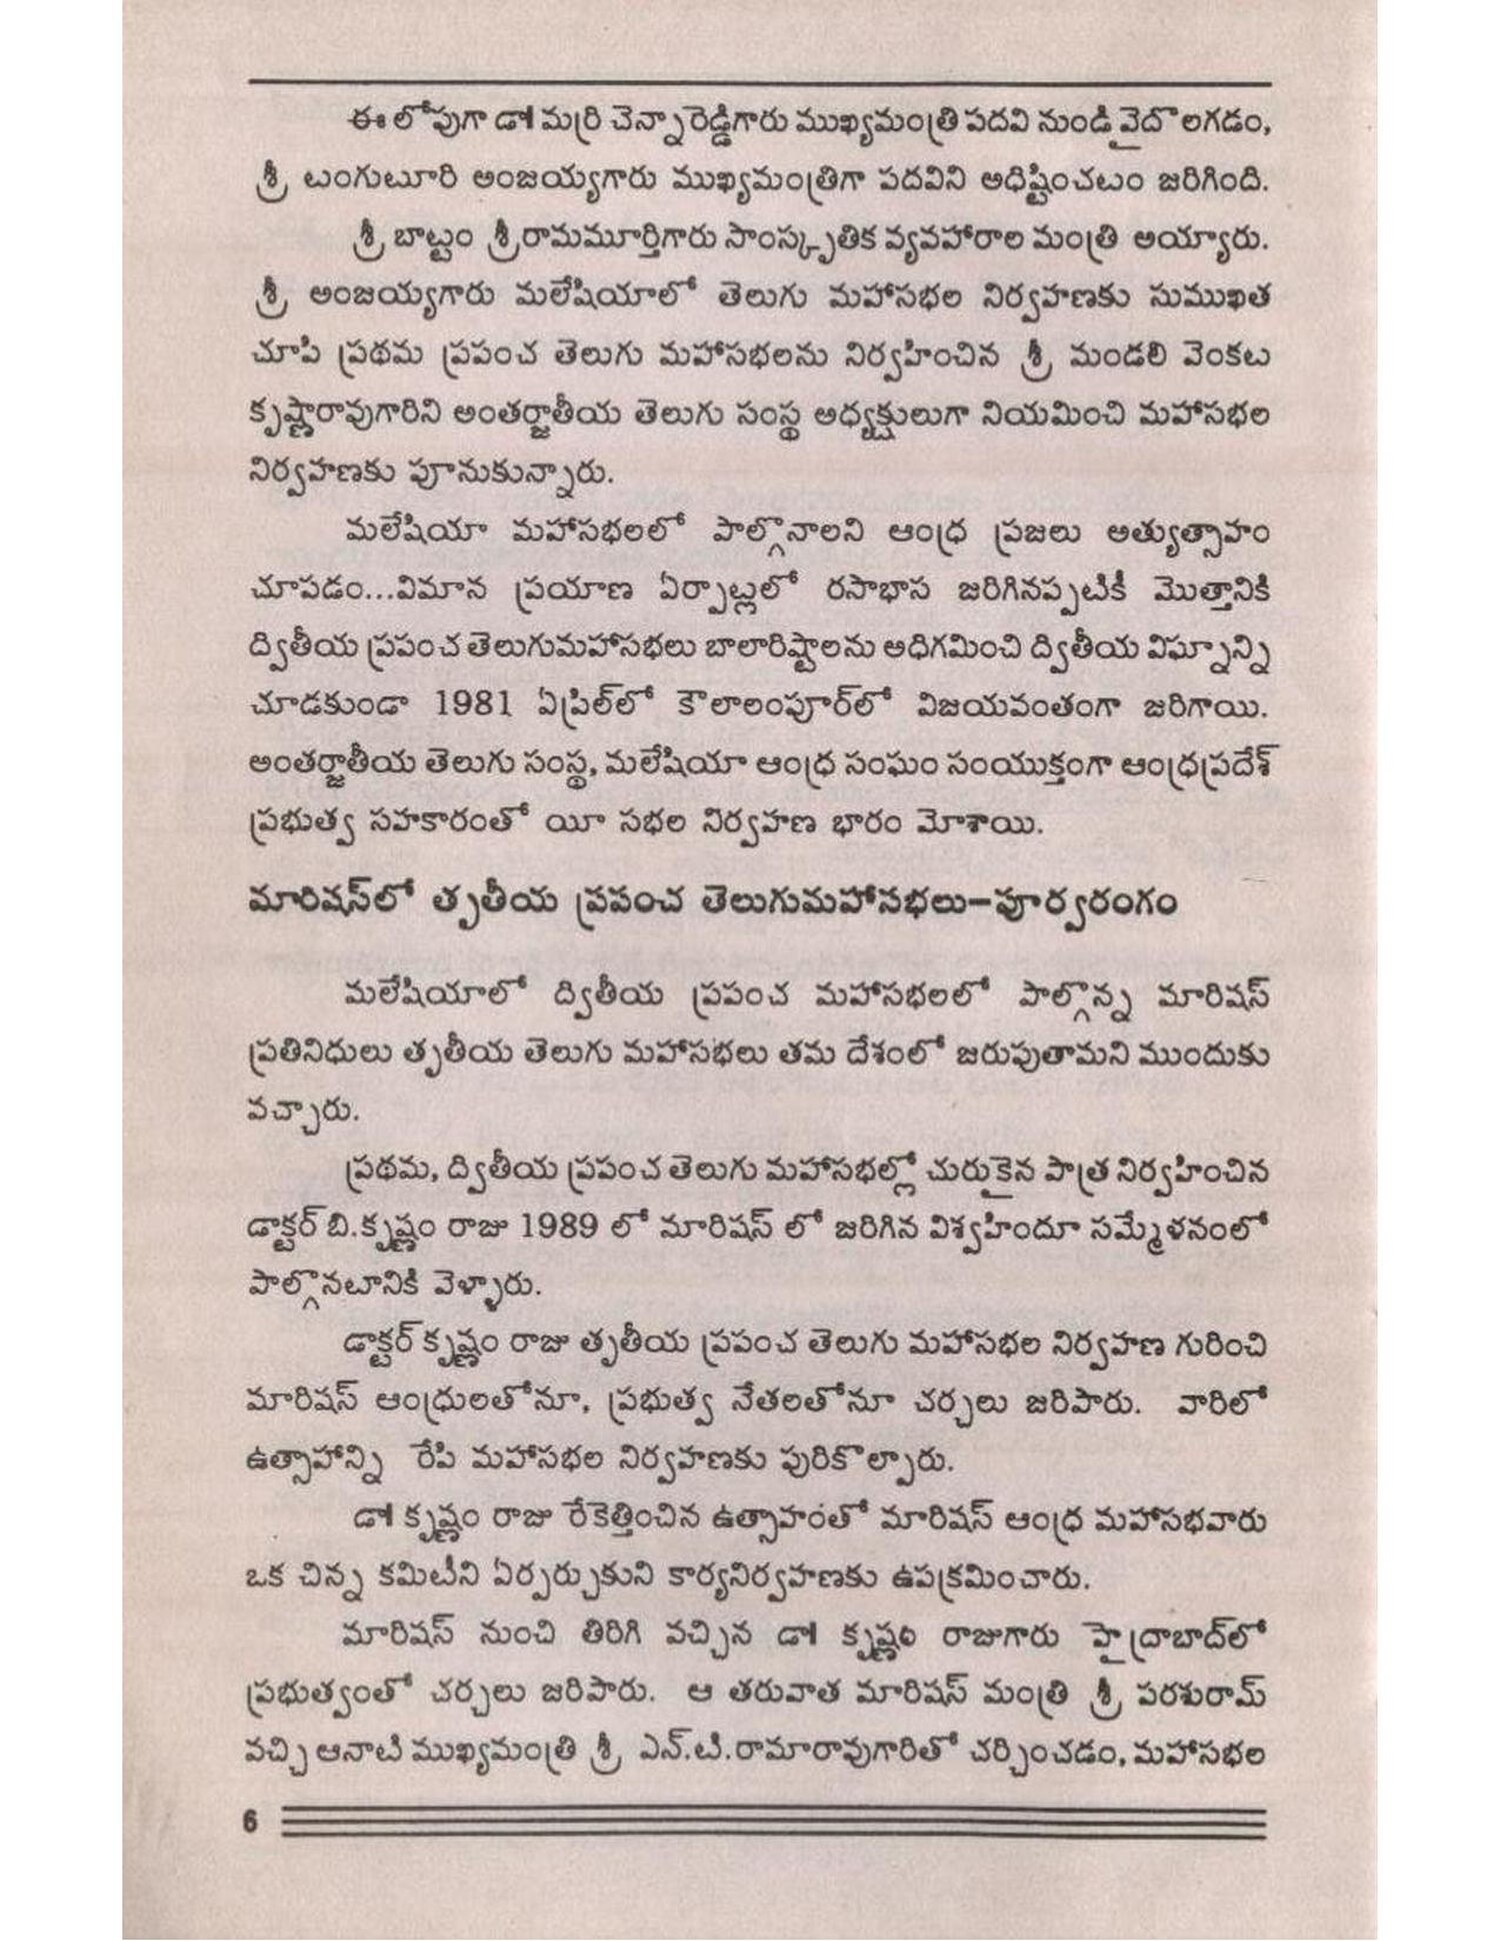ఈ లోపుగా డా॥ మర్రి చెన్నారెడ్డిగారు ముఖ్యమంత్రిపదవి నుండి వైదొలగడం, శ్రీ టంగుటూరి అంజయ్యగారు ముఖ్యమంత్రిగా పదవిని అధిష్టించటం జరిగింది.

శ్రీ బాట్టం శ్రీరామమూర్తిగారు సాంస్కృతిక వ్యవహారాల మంత్రి అయ్యారు. శ్రీ అంజయ్యగారు మలేషియాలో తెలుగు మహాసభల నిర్వహణకు సుముఖత చూపి ప్రథమ ప్రపంచ తెలుగు మహాసభలను నిర్వహించిన శ్రీ మండలి వెంకట కృష్ణారావుగారిని అంతర్జాతీయ తెలుగు సంస్థ అధ్యక్షులుగా నియమించి మహాసభల నిర్వహణకు పూనుకున్నారు.

మలేషియా మహాసభలలో పాల్గొనాలని ఆంధ్ర ప్రజలు అత్యుత్సాహం చూపడం. విమాన ప్రయాణ ఏర్పాట్లలో రసాభాస జరిగినప్పటికీ మొత్తానికి ద్వితీయ ప్రపంచ తెలుగుమహాసభలు బాలారిష్టాలను అధిగమించి ద్వితీయ విఘ్నాన్ని చూడకుండా 1981 ఏప్రిల్‌లో కౌలాలంపూర్‌లో విజయవంతంగా జరిగాయి. అంతర్జాతీయ తెలుగు సంస్థ, మలేషియా ఆంధ్ర సంఘం సంయుక్తంగా ఆంధ్రప్రదేశ్ ప్రభుత్వ సహకారంతో యీ సభల నిర్వహణ భారం మోశాయి.

మలేషియాలో ద్వితీయ ప్రపంచ మహాసభలలో పాల్గొన్న మారిషస్ ప్రతినిధులు తృతీయ తెలుగు మహాసభలు తమ దేశంలో జరుపుతామని ముందుకు వచ్చారు.

ప్రథమ, ద్వితీయ ప్రపంచ తెలుగు మహాసభల్లో చురుకైన పాత్ర నిర్వహించిన డాక్టర్ బి.కృష్ణంరాజు 1989 లో మారిషస్ లో జరిగిన విశ్వహిందూ సమ్మేళనంలో పాల్గొనటానికి వెళ్ళారు.

డాక్టర్ కృష్ణం రాజు తృతీయ ప్రపంచ తెలుగు మహాసభల నిర్వహణ గురించి మారిషస్ ఆంధ్రులతోనూ, ప్రభుత్వ నేతలలోనూ చర్చలు జరిపారు. వారిలో ఉత్సాహాన్ని రేపి మహాసభల నిర్వహణకు పురికొల్పారు.

డా॥ కృష్ణం రాజు రేకెత్తించిన ఉత్సాహంతో మారిషస్ ఆంధ్ర మహాసభవారు ఒక చిన్న కమిటీని ఏర్పర్చుకుని కార్యనిర్వహణకు ఉపక్రమించారు.

మారిషస్ నుంచి తిరిగి వచ్చిన డా॥ కృష్ణం రాజుగారు హైద్రాబాద్‌లో ప్రభుత్వంతో చర్చలు జరిపారు. ఆ తరువాత మారిషస్ మంత్రి శ్రీ పరశురామ్ వచ్చి ఆనాటి ముఖ్యమంత్రి శ్రీ ఎన్.టి. రామారావుగారితో చర్చించడం, మహాసభల